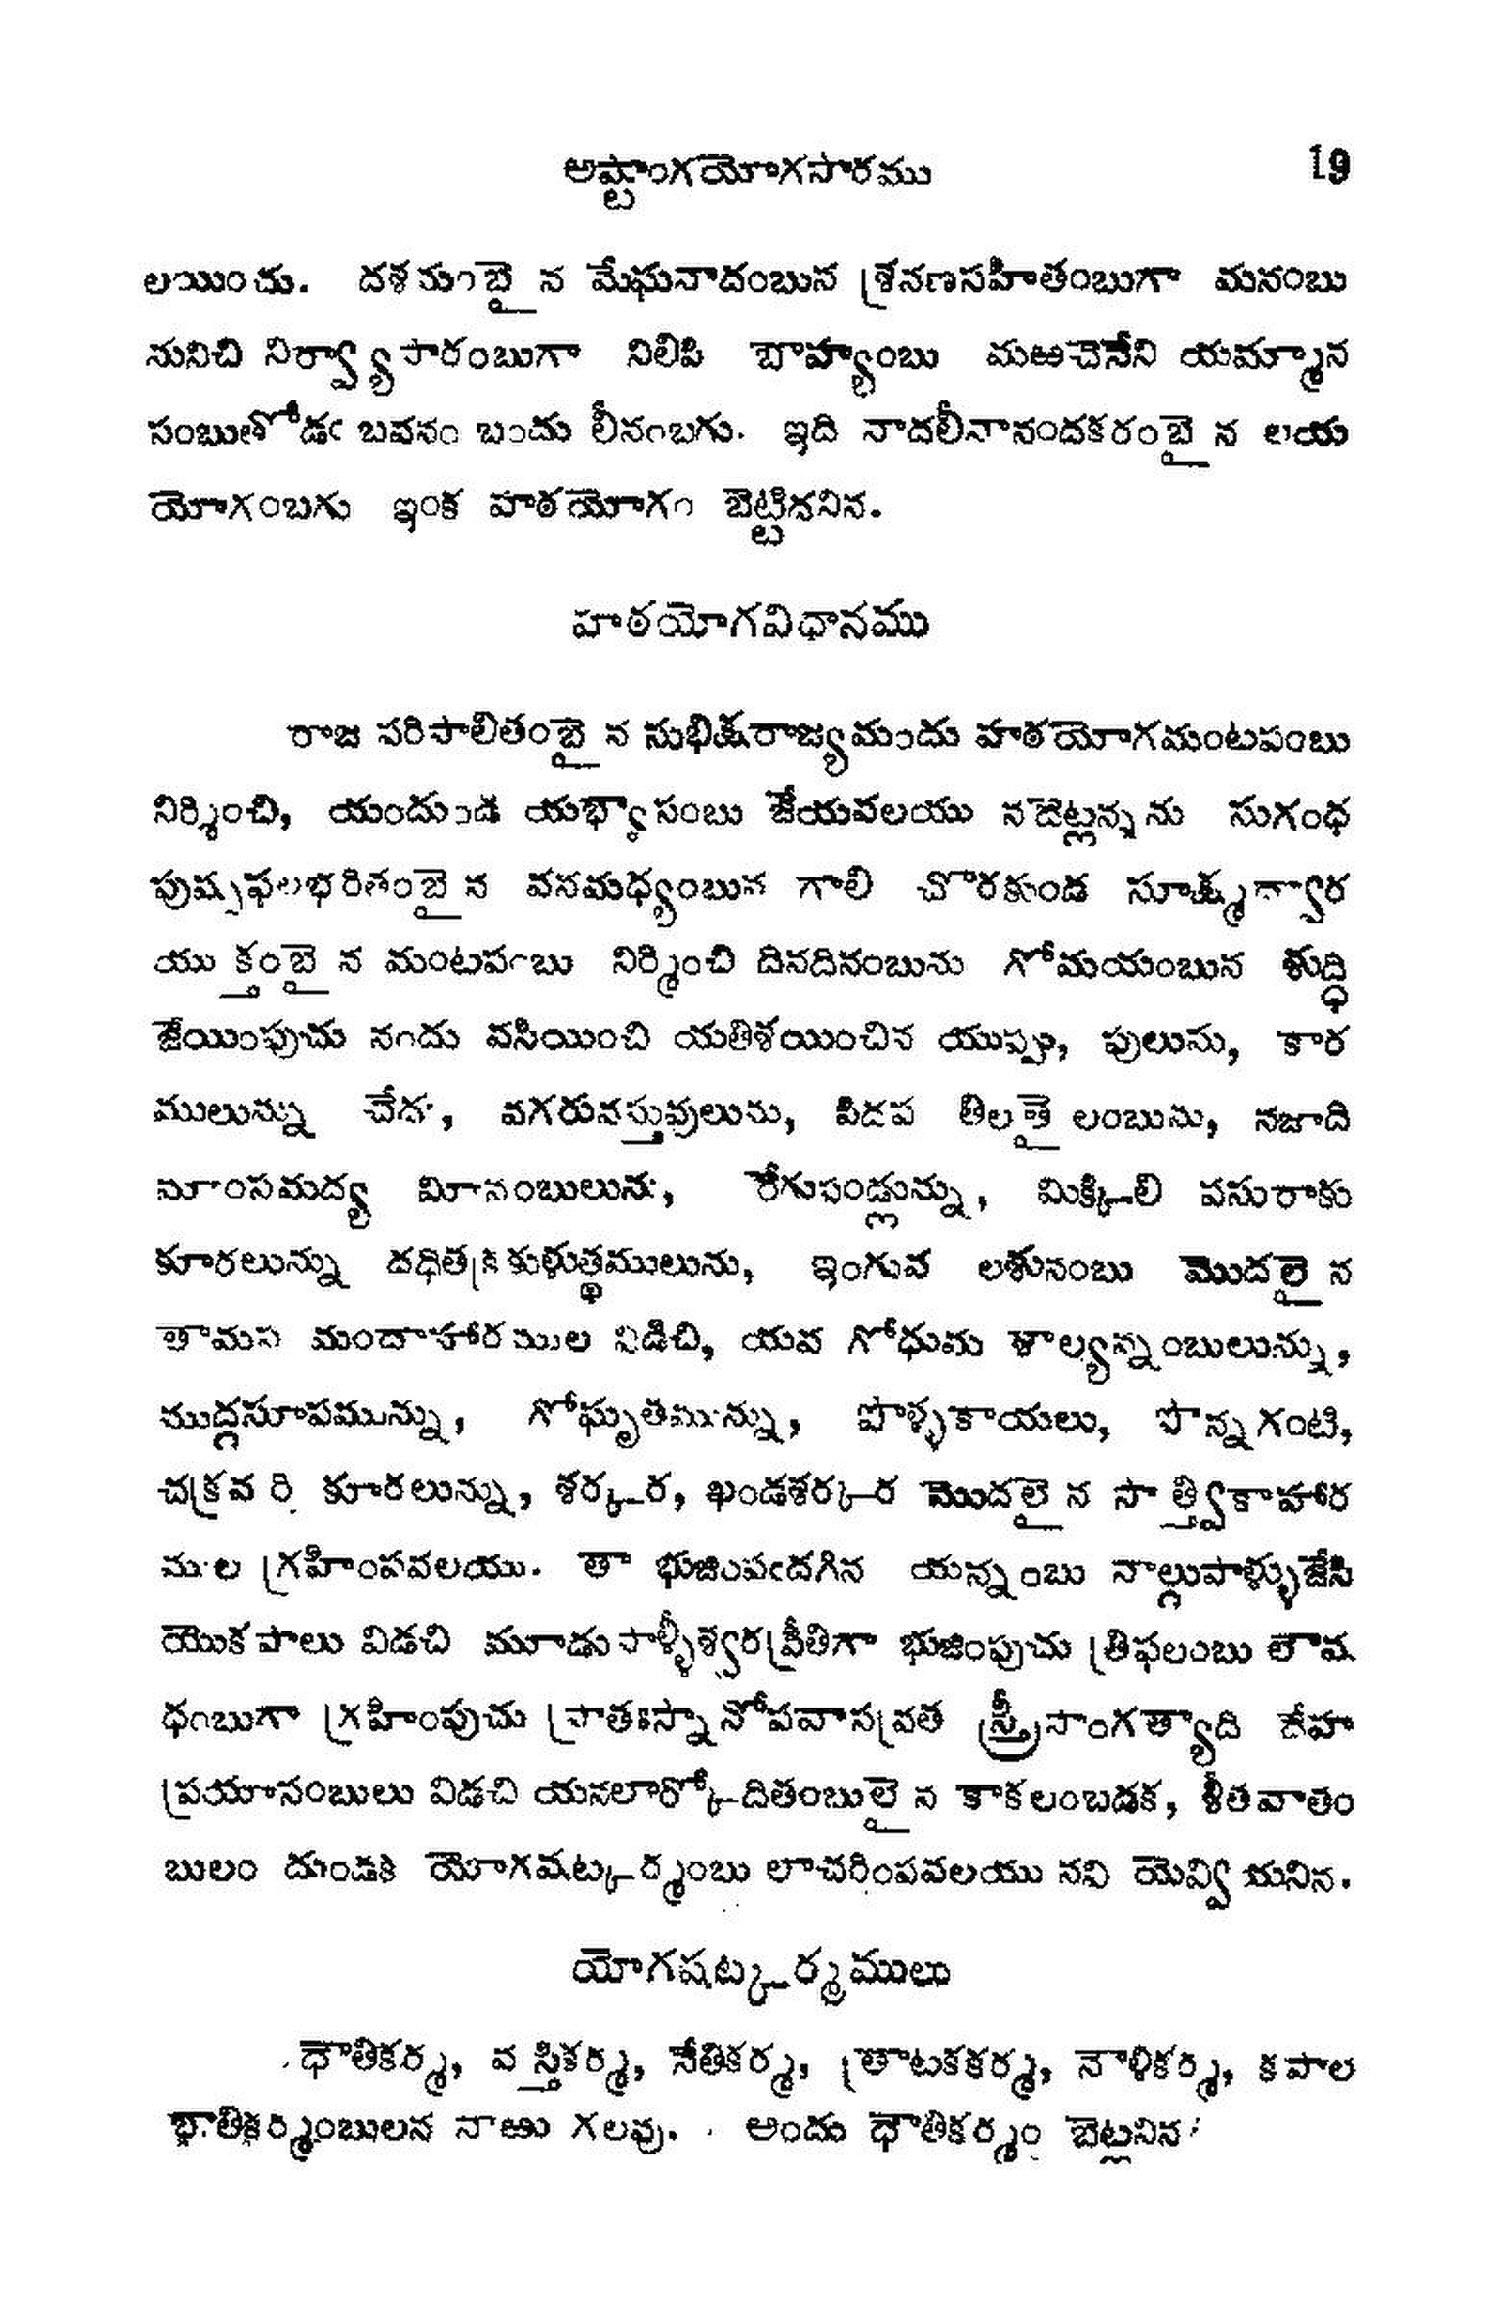లయించు. దశమంబైన మేఘనాదంబున శ్రవణసహితంబుగా మనంబు నునిచి నిర్వ్యాపారంబుగా నిలిపి బాహ్యంబు మఱిచెనేని యమ్మానసంబుతోడఁ బవనం బందు లీనంబగు. ఇది నాదలీనానందకరంబైన లయయోగంబగు ఇంక హఠయోగం బెట్టిదనిన.

రాజపరిపాలితంబై న సుభిక్షరాజ్యమందు హఠయోగమంటపంబు నిర్మించి, యందుండి యభ్యాసంబు జేయవలయు నదెట్లన్నను సుగంధపుష్పఫలభరితంబైన వనమధ్యంబున గాలి చొరకుండ సూక్ష్మద్వారకంబైన మంటపంబు నిర్మించి దినదినంబును గోమయంబున శుద్ధి జేయింపుచు నందు వసియించి యతిశయించిన యుప్పు, పులుసు, కారములున్ను చేదు, వగరువస్తువులును, పిదప తిలతైలంబును, నజాది మాంసమద్యమీనంబులును, రేగుపండ్లున్ను, మిక్కిలి పసురాకుకూరలున్ను దధితక్రకుళుత్థములును, ఇంగువ లశునంబు మొదలైన తామసమందాహారముల విడిచి, యవ గోధుమ శాల్యన్నంబులున్ను, ముద్గసూపమున్ను, గోఘృతమున్ను, పొళ్ళకాయలు, పొన్నగంటి, చక్రవర్తి కూరలున్ను, శర్కర, ఖండశర్కర మొదలైన సాత్త్వికాహారముల గ్రహింపవలయు. తా భుజింపఁదగిన యన్నంబు నాల్గుపాళ్ళు జేసి యొకపాలు విడచి మూడుపా ళ్ళీశ్వరప్రీతిగా భుజింపుచు త్రిఫలంబు లౌషధంబుగా గ్రహింపుచు ప్రాతఃస్నానోపవాసవ్రత స్త్రీసాంగత్యాది దేహప్రయాసంబులు విడచి యనలార్కోదితంబులైన కాకలం బడక, శీతవాతంబులం దుండక యోగషట్కర్మంబు లాచరింపవలయు నవి యెవ్వియనిన.

ధౌతికర్మ, వస్తికర్మ, నేతికర్మ, త్రాటకకర్మ, నౌళికర్మ, కపాలభాతికర్మంబులన నాఱు గలవు. అందు ధౌతికర్మం బెట్లనిన